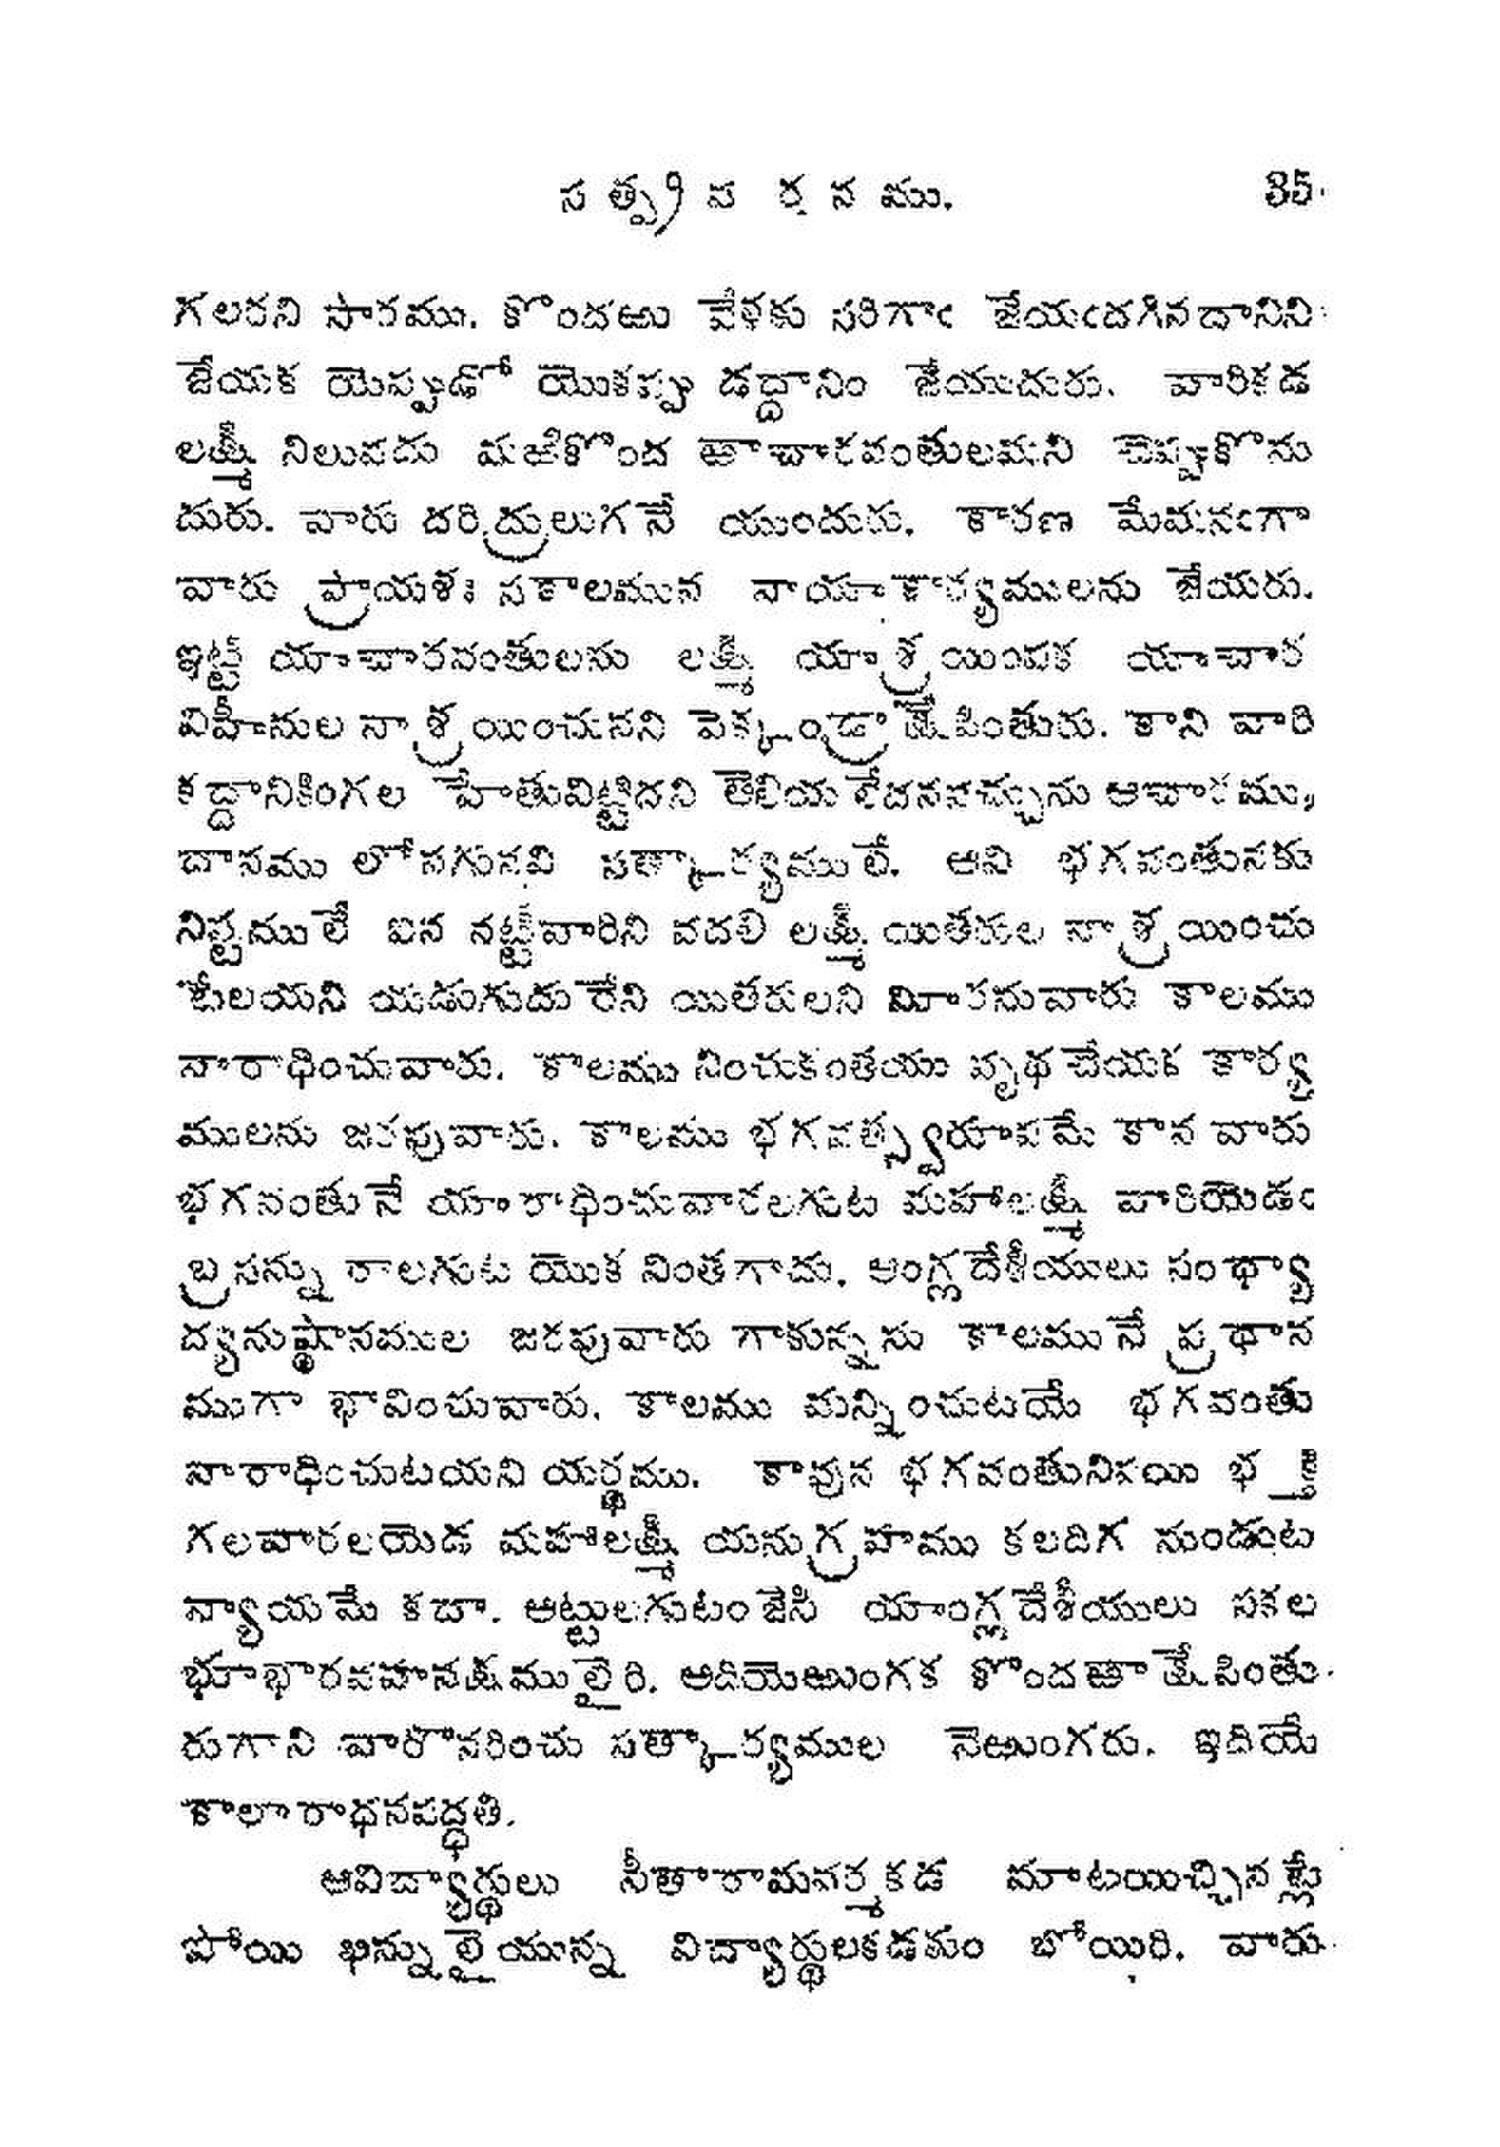గలరని సారము. కొందఱు వేళకు సరిగాఁ జేయఁదగిన దానిని జేయక యెప్పుడో యొకప్పుడద్దానం జేయుదురు. వారికడ లక్ష్మీ నిలుపదు. మఱికొంద ఱాచార వంతులమని చెప్పుకొనుదురు. వారు దరిద్రులుగనే యుందురు, కారణ మేవనంగా 'వారు ప్రాయశః సశాలమున నాయా కార్యములను జేయరు. ఇట్టి యాచారనంతులను లక్ష్మి యాశ్రయింపక యాచార విహీనుల నా శ్రయించునని పెక్కండ్రా క్షేపింతురు. కాని వారి కద్దానికింగల హేతువిట్టిదని తెలియ లేదనవచ్చును ఆచారము, ' దానము లోసగునవి సత్కార్యములే. అవి భగవంతునకు నిఫ్టములే ఐన నట్టి వారిని వదలి లక్ష్మి, యితరుల నాశ్రయించుటేల యని యడుగుదు రేని యితరులని మీరనువారు కాలము నారాధించు వారు. కాలము నించుకంతయు వృథ చేయక కార్యములను జరుపువారు. కాలము భగవత్స్వరూపమే కాన వారు భగవంతునే యాధించువారలగుట మహాలక్ష్మీ వారియెడల బ్రసన్నులగుకు యొక వింత గాదు. ఆంగ్ల దేశీయులు సంఖ్యా ద్యనుష్టానముల జరుపువారు గాకున్నను కాలమునే ప్రధానముగా భావించు వారు, కాలము మన్నించుటయే భగవంతు నారాధించుటయని యర్థము. కావున భగవంతునిఁ పయి భక్తిగలవారల యెడ మహాలక్ష్మి యనుగ్రహము కలదిగ నుండుట న్యాయమే కదా. అట్టులగుటం జేసి యాంగ్ల దేశీయులు సకల భూభారవహనక్షము లైరి. అదియెఱుంగక కొందఱాక్షేపింతురుగాని వారొనరించు సత్కార్యముల నెఱుంగరు. ఇదియే 'కాలారాధన పద్దతీ,

ఆవిద్యార్థులు సీతారామవర్మ కడ మాటయిచ్చినట్లే పోయి ఖిన్నులై యున్న విద్యార్థులకడకుం బోయిరి. వారు.